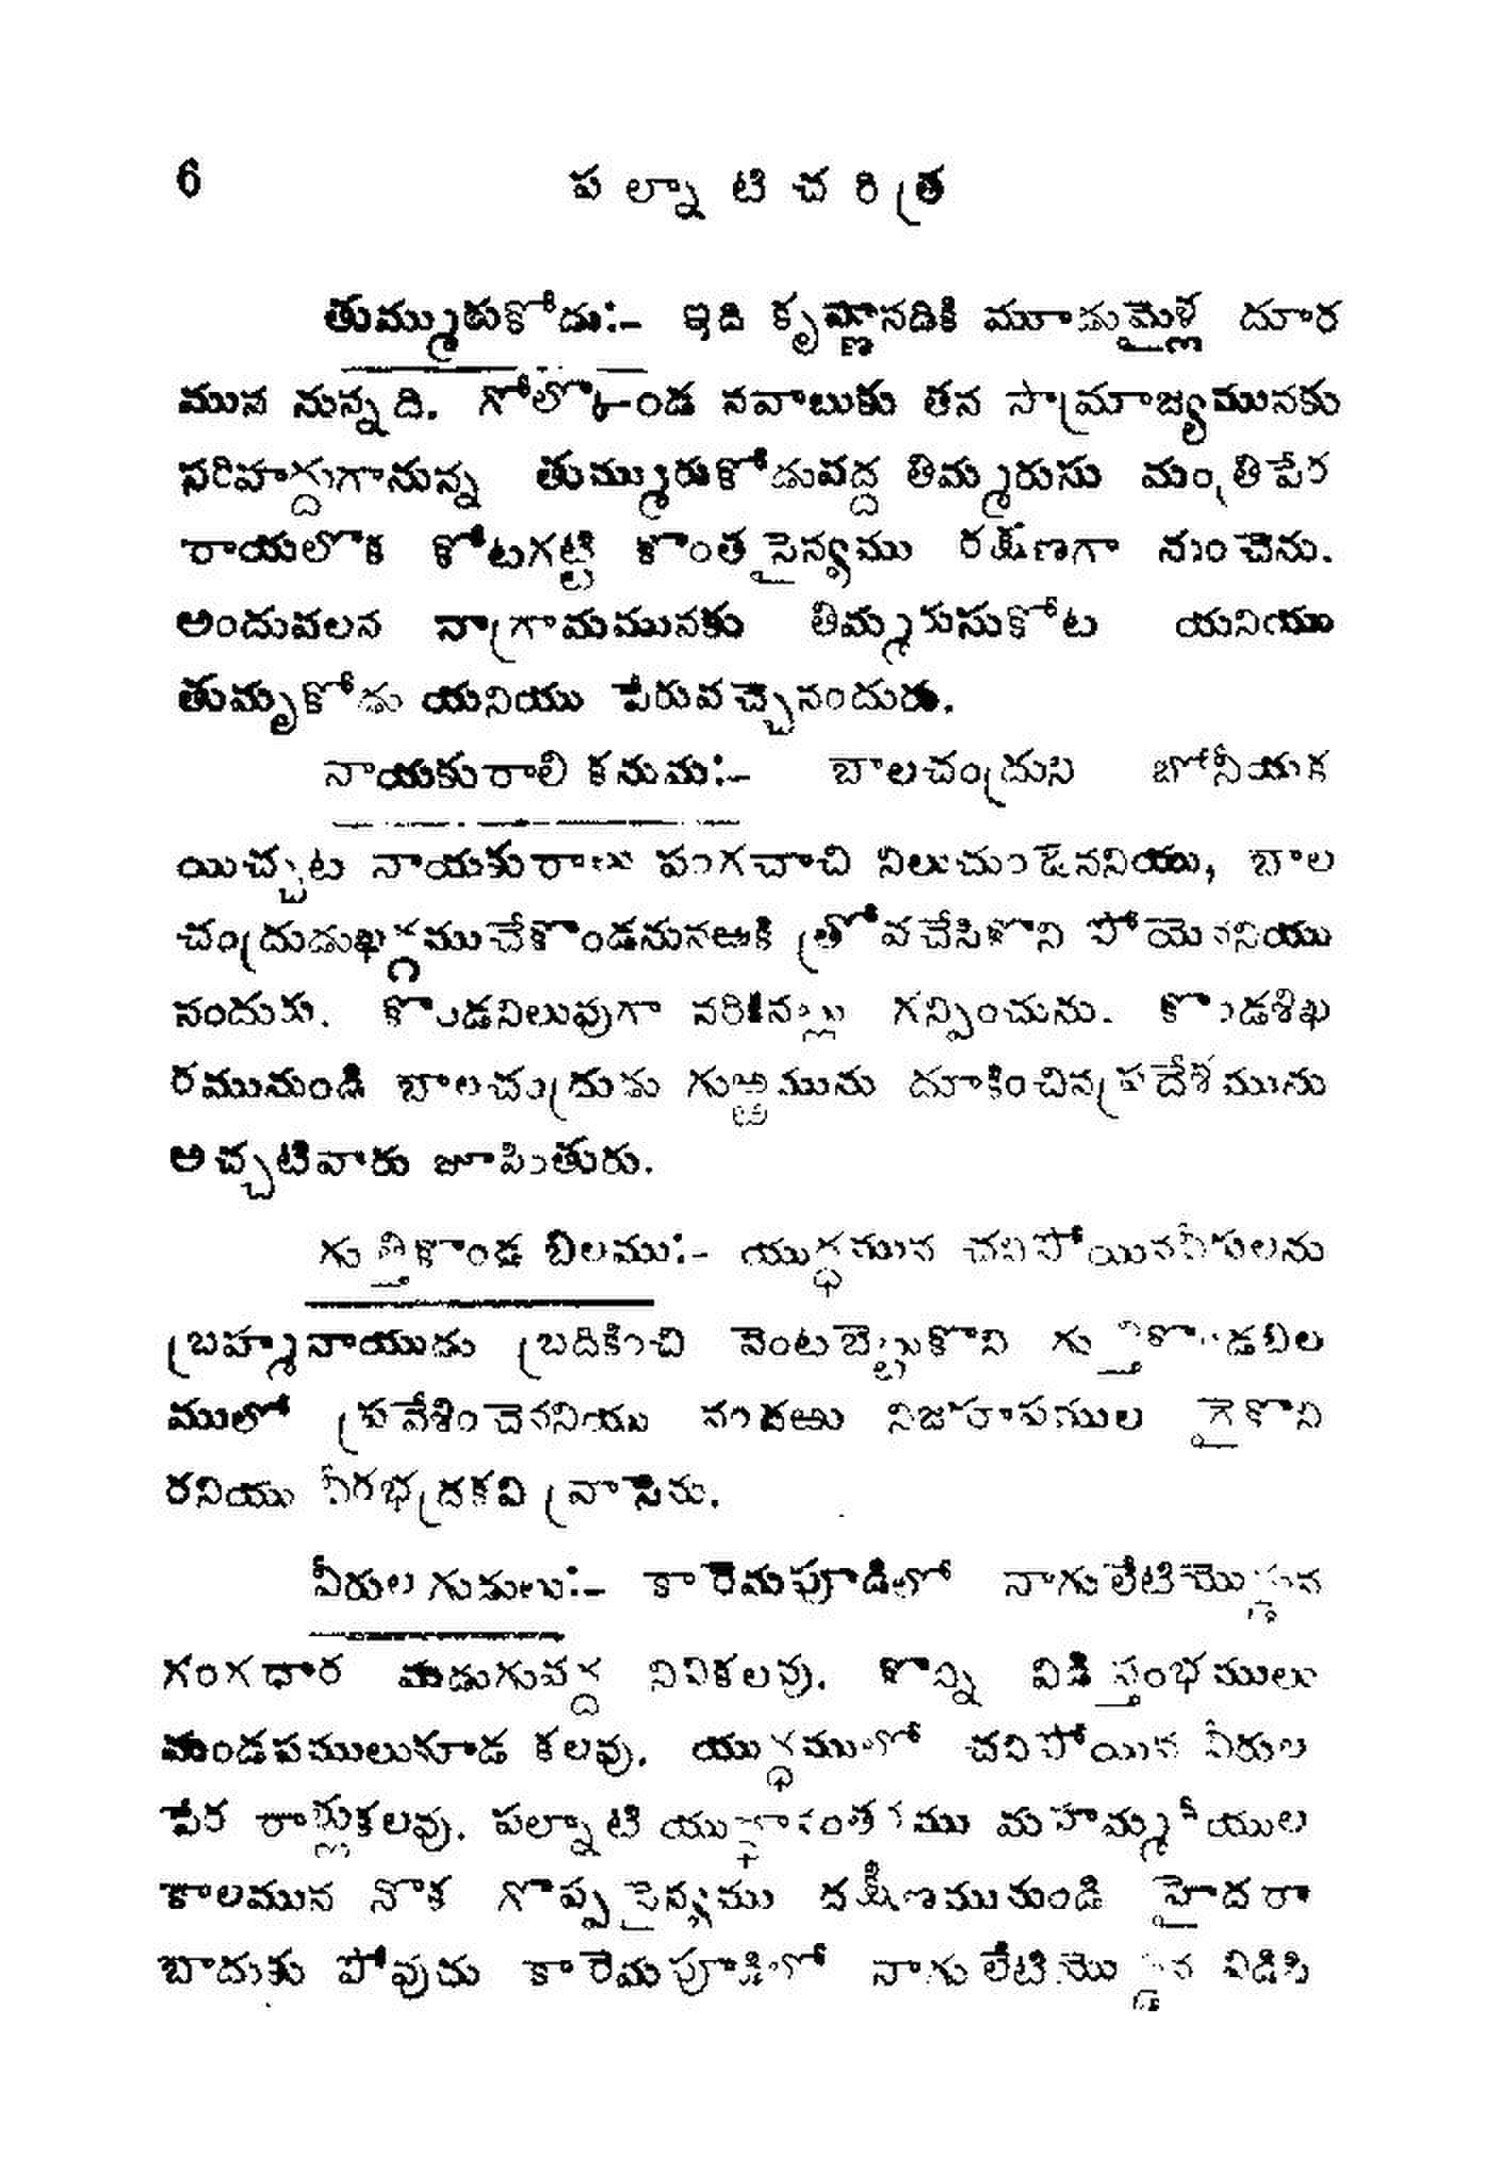తుమ్మురుకోడు:- ఇది కృష్ణానదికి మూడుమైళ్ల దూరమున 
నున్నది. గోల్కొండ నవాబుకు తన సామ్రాజ్యమునకు
సరిహద్దుగానున్న తుమ్మురుకోడువద్ద తిమ్మరుసు మంత్రి పేర
రాయలొక కోటగట్టి కొంత సైన్యము రక్షణగా నుంచెను.
అందువలన నాగ్రామమునకు తిమ్మరుసుకోట యనియు
తుమృకోడు యనియు పేరువచ్చెనందురు.

నాయకురాలి కనుమ:- బాలచంద్రుని బోనీయక
యిచ్చట నాయకురాలు పంగచాచి నిలుచుండెననియు, బాల
చంద్రుడు ఖడ్గముచే కొండనునఱకి త్రోవ చేసికొని పోయెననియు
నందురు. కొండనిలువుగా నరికినట్లు గన్పించును. కొండశిఖ
రమునుండి బాలచంద్రుడు గుఱ్ఱమును దూకించిన ప్రదేశమును
అచ్చటివారు జూపింతురు.

గుత్తికొండ బిలము:- యుద్ధమున చనిపోయినవీరులను
బ్రహ్మనాయుడు బ్రదికించి వెంటబెట్టుకొని గుత్తికొండబిలములో 
ప్రవేశించెననియు నందఱు నిజరూపముల గైకొని
రనియు వీరభద్రకవి వ్రాసెను.

వీరులగుడులు:- కారెమపూడిలో నాగులేటి యొడ్డున 
గంగధార మడుగు వద్ద నివికలవు. కొన్ని విడిస్తంభములు
మండపములు కూడ కలవు. యుద్ధములో చనిపోయిన వీరుల
పేర రాళ్లు కలవు. పల్నాటి యుద్ధానంతరము మహమ్మదీయుల
కాలమున నొక గొప్ప సైన్యము దక్షిణమునుండి హైదరాబాదుకు 
పోవుచు కారెమపూడిలో నాగులేటి యొడ్డున విడిపి